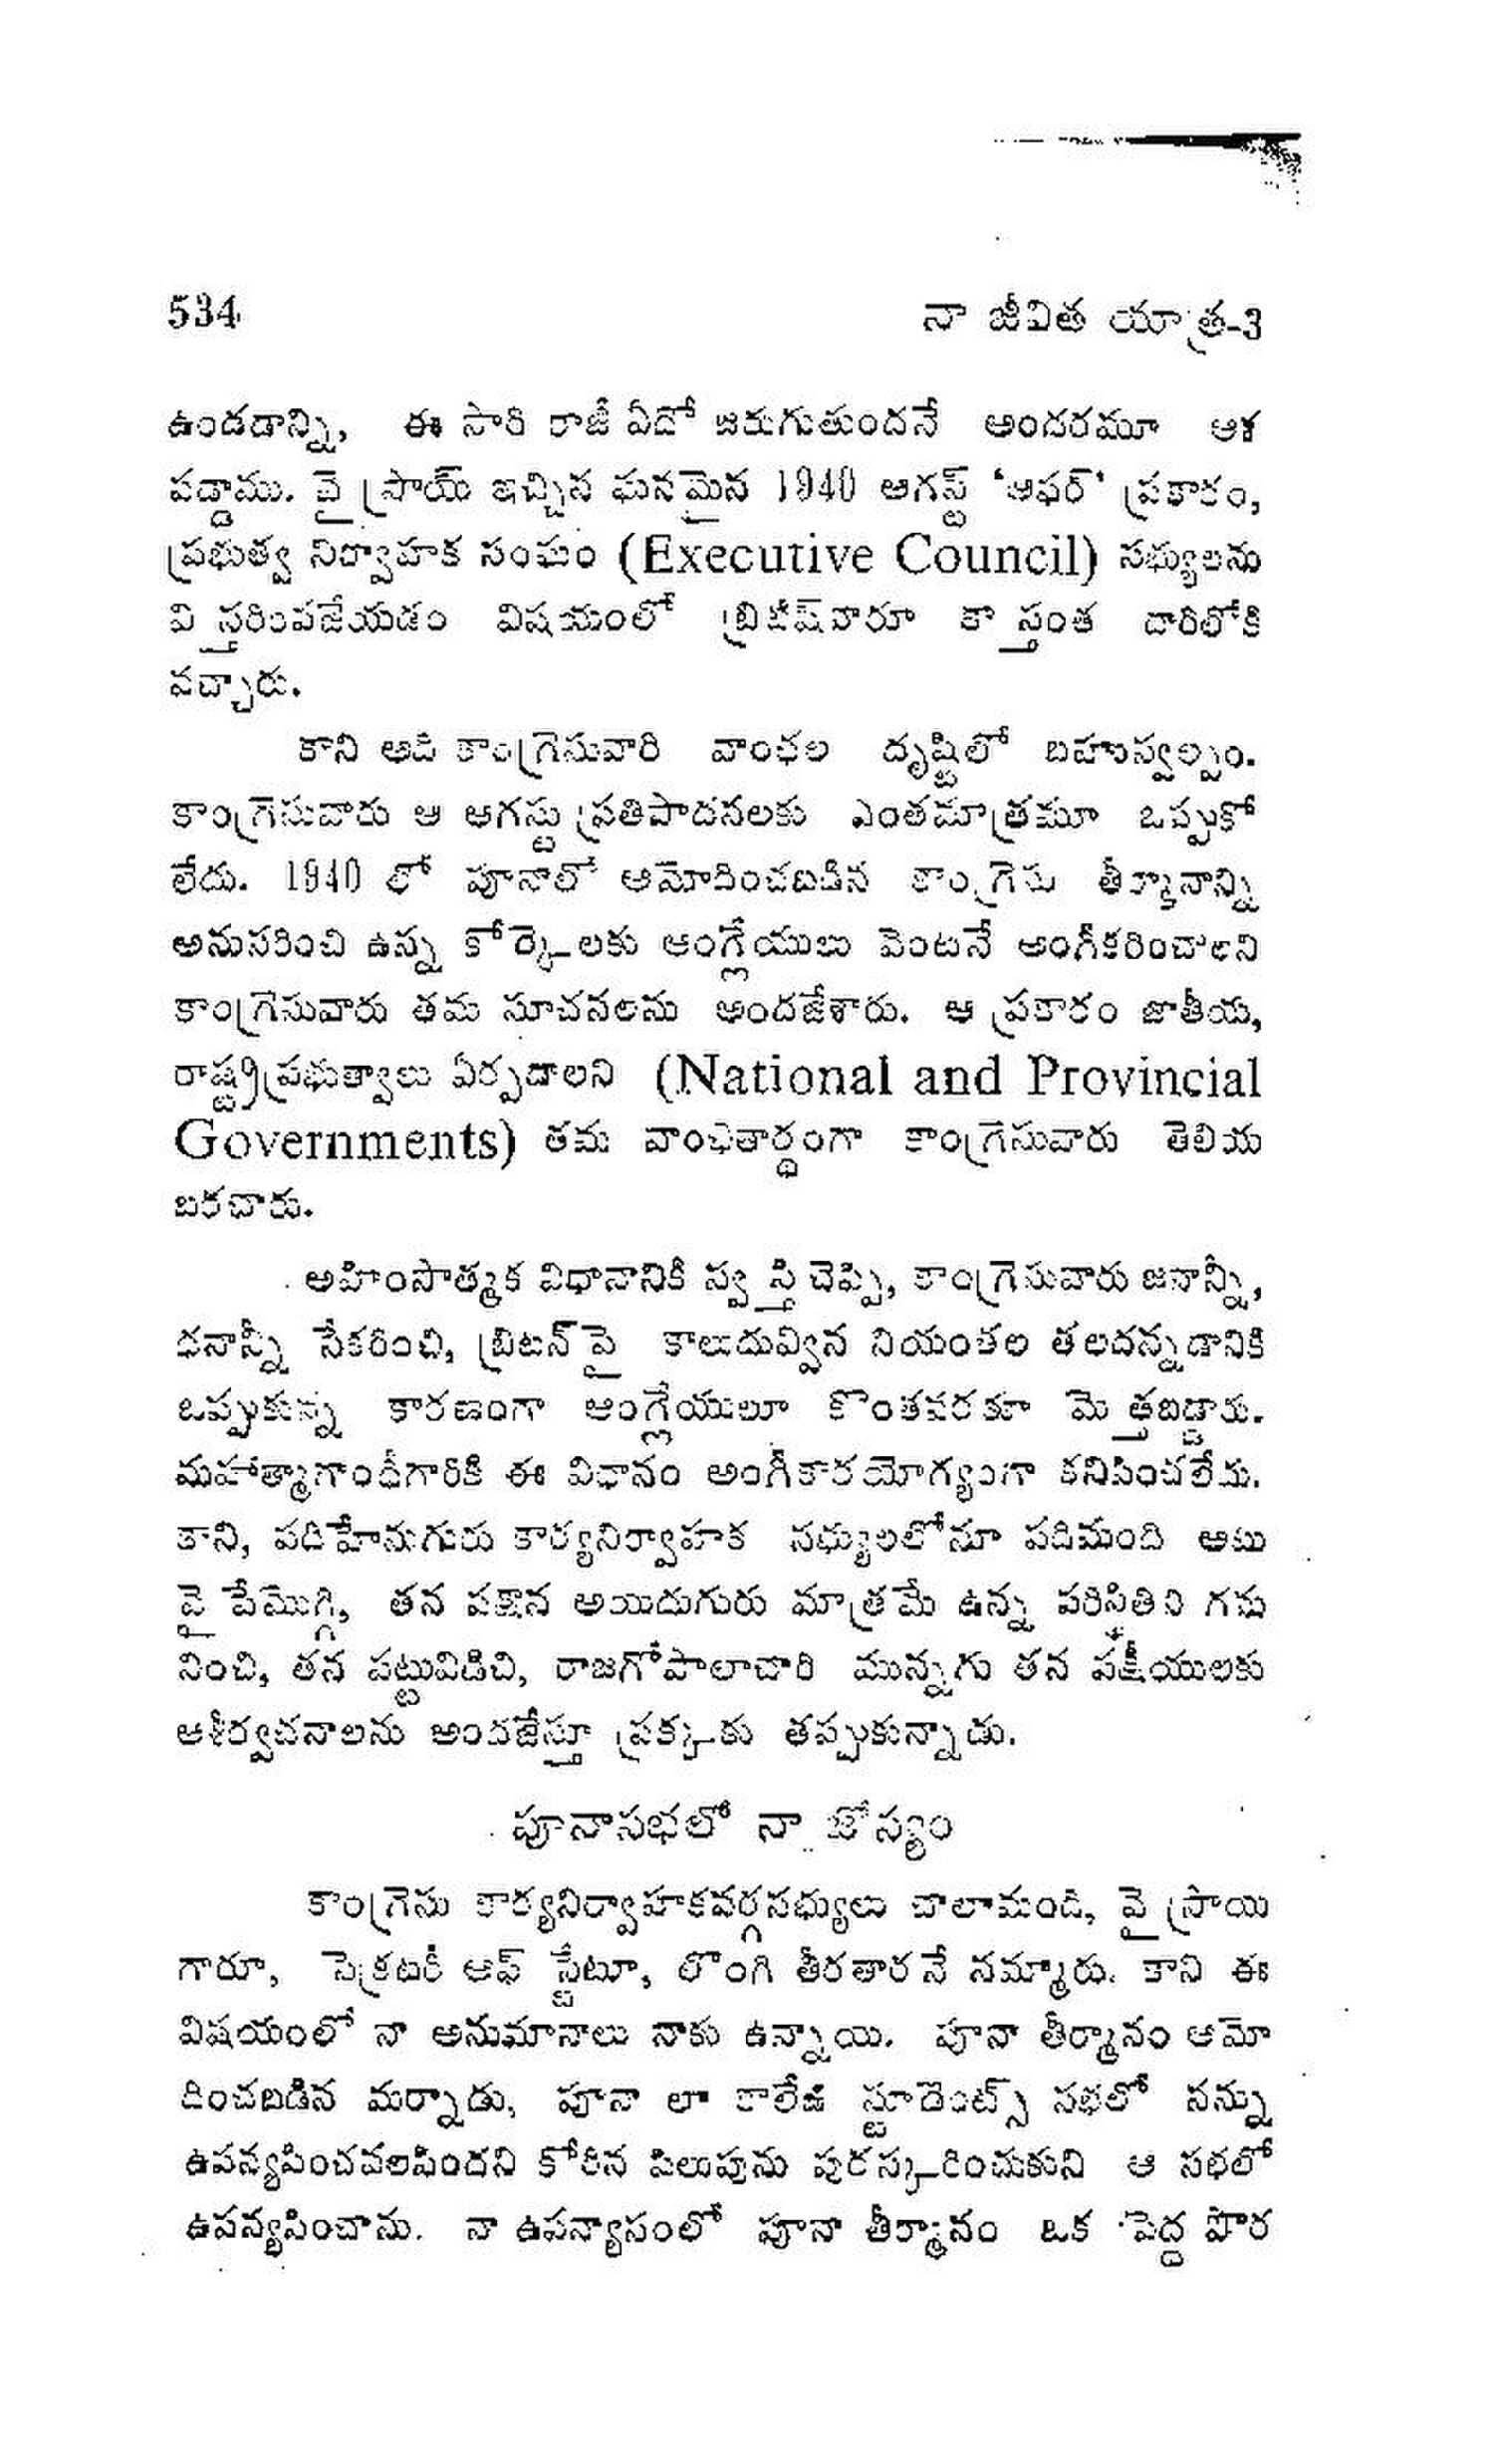ఉండడాన్ని, ఈ సారి రాజీ ఏదో జరుగుతుందనే అందరమూ ఆశపడ్డాము. వైస్రాయ్ ఇచ్చిన ఘనమైన 1940 ఆగస్ట్ 'ఆఫర్‌' ప్రకారం, ప్రభుత్వ నిర్వాహక సంఘం (Executive Council) సభ్యులను విస్తరింప జేయడం విషయంలో బ్రిటిష్‌ వారూ కాస్తంత దారిలోకి వచ్చారు.

కాని అది కాంగ్రెసువారి వాంఛల దృష్టిలో బహుస్వల్పం. కాంగ్రెసు వారు ఆ ఆగస్టు ప్రతిపాదనలకు ఎంతమాత్రమూ ఒప్పుకో లేదు. 1940 లో పూనాలో ఆమోదించ బడిన కాంగ్రెసు తీర్మానాన్ని అనుసరించి ఉన్న కోర్కెలకు ఆంగ్లేయులు వెంటనే అంగీకరించాలని కాంగ్రెసువారు తమ సూచనలను అందజేశారు. ఆ ప్రకారం జాతీయ, రాష్ట్ర ప్రభుత్వాలు ఏర్పడాలని (National and Provincial Governments) తమ వాంఛితార్థంగా కాంగ్రెసువారు తెలియబరచారు.

అహింసాత్మక విధానానికి స్వస్తిచెప్పి, కాంగ్రెసువారు జనాన్నీ, ధనాన్నీ సేకరించి, బ్రిటన్‌పై కాలుదువ్విన నియంతల తలదన్నడానికి ఒప్పుకున్న కారణంగా ఆంగ్లేయులూ కొంత వరకూ మెత్తబడ్డారు. మహాత్మాగాంధీ గారికి ఈ విధానం అంగీకార యోగ్యంగా కనిపించ లేదు. కాని, పదిహేనుగురు కార్యనిర్వాహక సభ్యులలోనూ పదిమంది అటువైపే మొగ్గి, తన పక్షాన అయిదుగురు మాత్రమే ఉన్న పరిస్థితిని గమనించి, తన పట్టువిడిచి, రాజగోపాలాచారి మున్నగు తన పక్షీయులకు ఆశీర్వచనాలను అందజేస్తూ ప్రక్కకు తప్పుకున్నాడు.

కాంగ్రెసు కార్యనిర్వాహక వర్గసభ్యులు చాలామంది, వైస్రాయిగారూ, సెక్రటరీ ఆఫ్ స్టేటూ, లొంగి తీరతారనే నమ్మారు. కాని ఈ విషయంలో నా అనుమానాలు నాకు ఉన్నాయి. పూనా తీర్మానం ఆమోదించబడిన మర్నాడు, పూనా లా కాలేజీ స్టూడెంట్స్ సభలో నన్ను ఉపన్యసించ వలసిందని కోరిన పిలుపును పురస్కరించుకుని ఆ సభలో ఉపన్యసించాను. నా ఉపన్యాసంలో పూనా తీర్మానం ఒక పెద్ద పొర